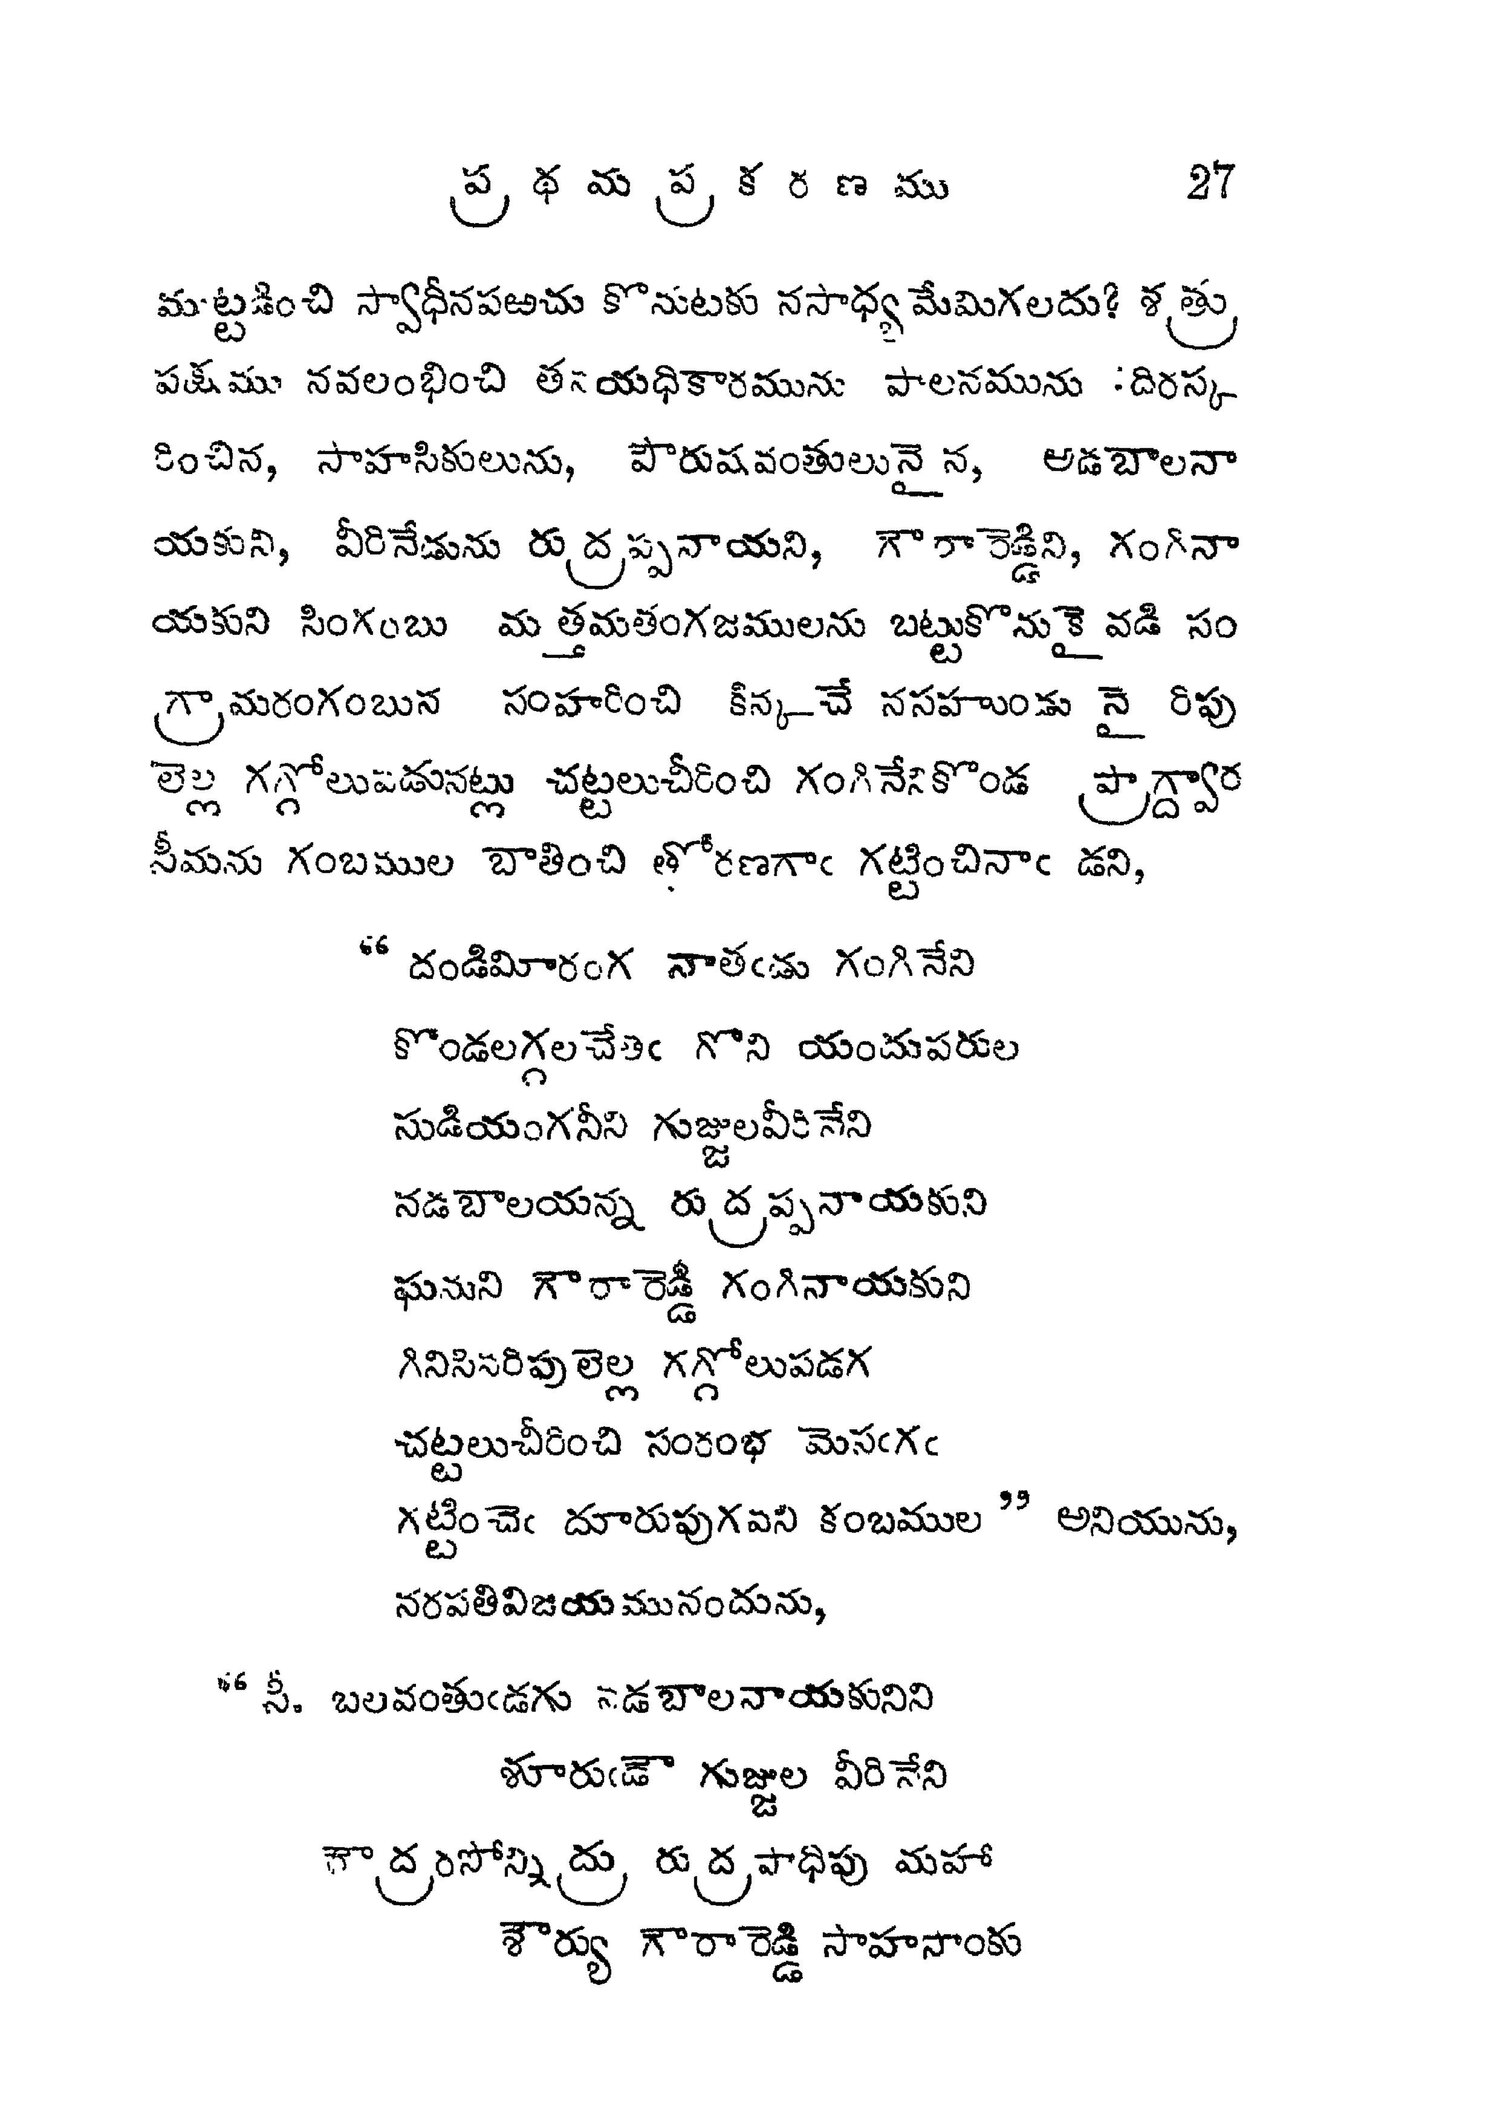ముట్టడించి స్వాధీనపఱచు కొనుటకు నసాధ్యమేమిగలదు? శత్రు పక్షము నవలంభించి తనయధికారమును పాలనమును దిరస్కరించిన, సాహసికులును, పౌరుషవంతులునైన, అడబాలనాయకుని, వీరినేడును రుద్రప్పనాయని, గౌరారెడ్డిని, గంగినాయకుని సింగంబు మత్తమతంగజములను బట్టుకొనుకైవడి సంగ్రామరంగంబున సంహరించి కిన్కచే నసహుండు నై రిపులెల్ల గగ్గోలుపడునట్లు చట్టలుచీరించి గంగినేనికొండ ప్రాగ్ద్వారసీమను గంబముల బాతించి తోరణగా గట్టించినా డని,

 "దండిమీరంగ నాతడు గంగినేని
 కొండలగ్గలచేత గొని యందుపరుల
 సుడియంగనీని గుజ్జులవీరినేని
 నడబాలయన్న రుద్రప్పనాయకుని
 ఘనుని గౌరారెడ్డి గంగినాయకుని
 గినిసినరిపులెల్ల గగ్గోలుపడగ
 చట్టలుచీరించి సంరంభ మెసగ
 గట్టించె దూరపుగవని కంబముల" అనియును,

 నరపతివిజయమునందును,

 "సీ. బలవంతుడగు నడబాలనాయకునిని
 శూరుడౌ గుజ్జుల వీరినేని
 రౌద్రరసోన్నిద్రు రుద్రపాధిపు మహా
 శౌర్యు గౌరారెడ్డి సాహసాంకు